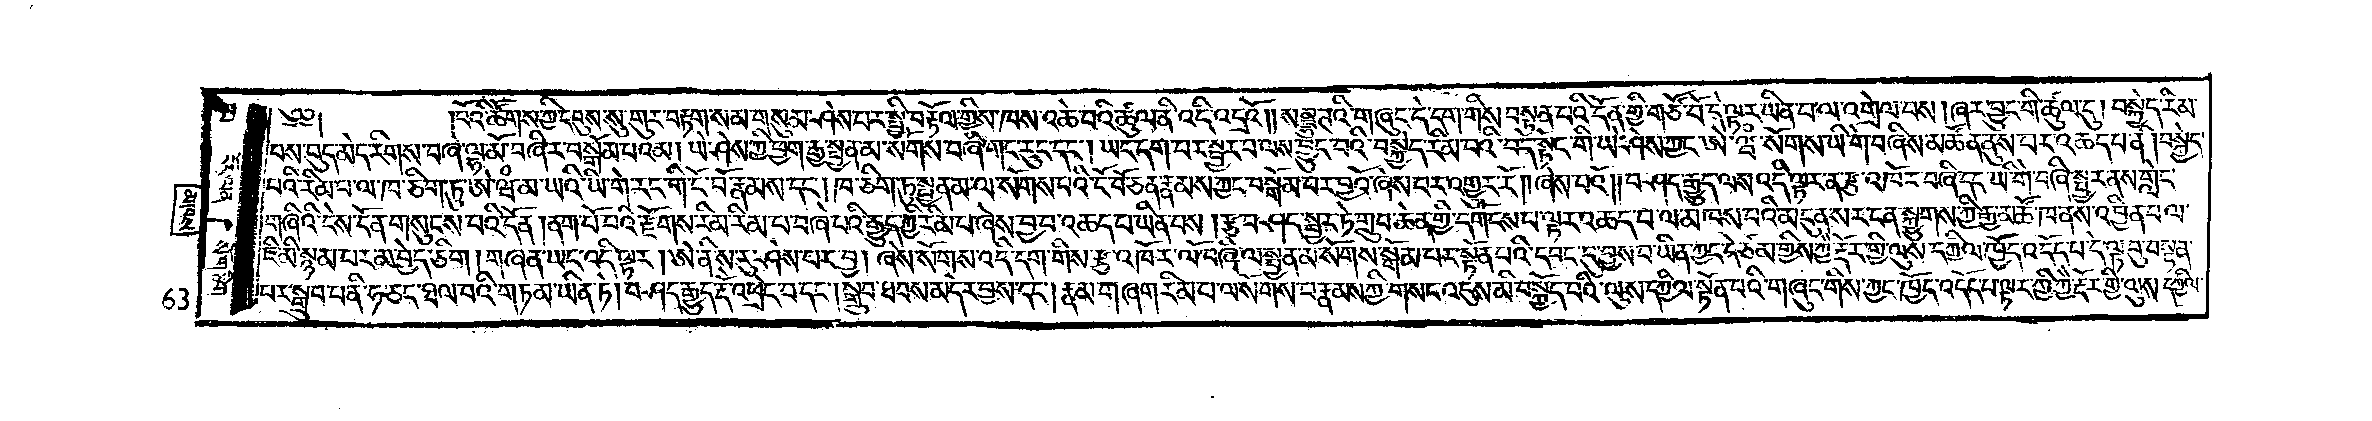{ངོར་ལན}་༄༅། །པོའི་ཚོགས་ཀྱི་དབུས་སུ་གུར་བརྟག་སམ་གསུམ་ཤེས་པར་སྤྱི་བརྟོལ་གྱིས་ཁས་འཆེ་བའི་ཚུལ་ནི་འདི་འདྲའོ། །སམྡྷུ་ཊའི་གཞུང་དེ་དག་གིས་བསྟན་པའི་དོན་གྱི་གཙོ་བོ་དེ་ལྟར་ཡིན་པ་ལ་འགྲེལ་བས། ཞར་བྱུང་གི་ཚུལ་དུ། བསྐྱེད་རིམ་
པས་བུད་མེད་རིགས་བཞེ་ལྷ་མོ་བཞིར་བསྒོམ་པའམ། ཡེ་ཤེས་ཀྱི་ཕྱག་རྒྱ་སྤྱན་མ་སོགས་བཞི་གང་རུང་དང་། ཡང་དག་པར་སྦྱར་བ་ལས་བྱུང་བའི་བསྐྱེད་རིམ་བའི་བདེ་སྟོང་གི་ཡེ་ཤེས་ཀྱང་ཨེ་ཝཾ་སོགས་ཡི་གེ་བཞིས་མཚོན་ནུས་པར་འཆད་པ་ནི། བསྐྱེད་
པའི་རིམ་པ་ལ་ཁ་ཅིག་ཏུ་ཨེ་ཝཾ་མ་ཡའི་ཡི་གེ་རང་གི་ངོ་བོ་རྣམས་དང་། ཁ་ཅིག་ཏུ་སྤྱན་མ་ལ་སོགས་པའི་ངོ་བོ་ཅན་རྣམས་ཀྱང་བསྒོམ་པར་བྱའོ་ཞེས་པར་འགྱུར་རོ། །ཞེས་པའོ། །བཤད་རྒྱུད་ལས་འདི་ལྟར་ན་རྩ་འཁོར་བཞི་དང་ཡི་གེ་བཞི་སྦྱར་ནས་གླེང་
གཞིའི་ངེས་དོན་གསུངས་པའི་དོན། ནག་པོ་བའི་རྫོགས་རིམ་རིམ་པ་བཞེ་བའི་རྒྱུད་ཀྱི་རིམ་པ་ཞེས་བྱ་བ་འཆད་པ་ཡིན་པས། རྩ་བཤད་སྦྱར་ཏེ་གྲུབ་ཆེན་གྱི་དགོངས་པ་ལྟར་འཆད་པ་ལ་མཁས་པའི་མདུན་སར་ངན་སྐྱུགས་ཀྱི་རྒྱ་མཚོ་ཁ་ནས་འབྱིན་པ་ལ་
ཇི་མི་སྙམ་པར་མ་བྱེད་ཅིག །གཞན་ཡང་འདི་ལྟར། ཨེ་ནི་ས་རུ་ཤེས་པར་བྱ། ཞེས་སོགས་འདི་དག་གིས་རྩ་འཁོར་ལོ་བཞི་ལ་སྤྱན་མ་སོགས་སྒོམ་པར་སྟོན་པའི་དབང་དུ་བྱས་པ་ཡིན་ཀྱང་དེ་ཙམ་གྱིས་ཀྱཻ་རྡོར་གྱི་ལུས་དཀྱིལ་ཁྱོད་འདོད་པ་དེ་ལྟ་བུ་བསྟན་པར་སྒྲུབ་པ་ནི་ཧ་ཅང་ཐལ་བའི་གཏམ་ཡིན་ཏེ། བཤད་རྒྱུད་རྡོ་འཕྲེང་བ་དང་། སྒྲུབ་ཐབས་མདོར་བྱས་དང་། རྣམ་གཞག་རིམ་པ་ལ་སོགས་པ་རྣམས་ཀྱི་གསང་འདུས་མི་བསྐྱོད་པའི་ལུས་དཀྱིལ་སྟོན་པའི་གཞུང་གིས་ཀྱང་ཁྱོད་འདོད་པ་ལྟར་ཀྱི་ཀྱཻ་རྡོར་གྱི་ལུས་དཀྱིལ་